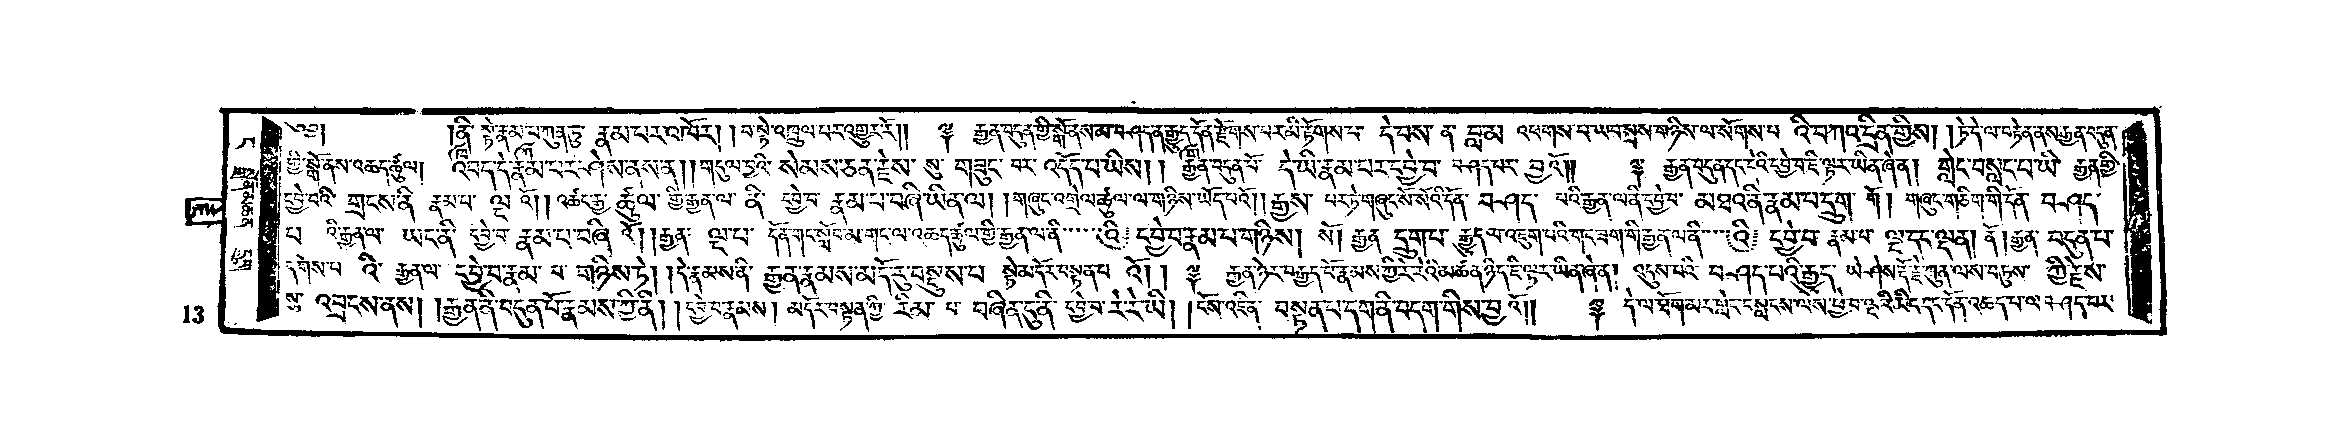༄༅། །ནི་སྟེ་རྣམ་པ་ཀུན་ཏུ་རྣམ་པར་འཁོར། །བ་སྟེ་འཁྲུལ་པར་འགྱུར་རོ།། ༈ རྒྱན་བདུན་གྱི་སྒོ་ནས་མ་བཤད་ན་རྒྱུད་དོན་རྫོགས་པར་མི་རྟོགས་པ་དེ་བས་ན་བླ་མ་འཕགས་པ་ཡབ་སྲས་གཉིས་ལ་སོགས་པའི་བཀའ་དྲིན་གྱིས། །ཏེ་དེ་ལ་བརྟེན་ནས་རྒྱན་བདུན་
གྱི་སྒོ་ནས་འཆད་ཚུལ། ཁ྄་འབད་དེ་ཀ྄་རྣམ་པར་ཤེས་ནས་ནི། །གདུལ་བྱའི་སེམས་ཅན་རྗེས་སུ་གཟུང་བར་འདོད་པ་ཡིས། །ག྄་རྒྱན་བདུན་པོ་དེ་ཡི་རྣམ་པར་དབྱེ་བ་བཤད་པར་བྱའོ།། ༈ རྒྱན་བདུན་དང་དེའི་དབྱེ་བ་ཇི་ལྟར་ཡིན་ཞེ་ན། གླེང་བསླང་པ་ཡི་རྒྱན་གྱི་
དབྱེ་བའི་གྲངས་ནི་རྣམ་པ་ལྔའོ། །འཚང་རྒྱ་ཚུལ་གྱི་རྒྱན་ལ་ནི་དབྱེ་བ་རྣམ་པ་བཞི་ཡིན་ལ། །གཞུང་འགྲེལ་ཚུལ་ལ་གཉིས་ཡོད་པའོ། །རྒྱས་པར་ཏེ་གཞུང་སོ་སོའི་དོན་བཤད་པའི་རྒྱན་ལ་ནི་དབྱེ་བ་མཐའ་ནི་རྣམ་པ་དྲུག་གོ །གཞུང་གཅིག་གི་དོན་བཤད་
པའི་རྒྱན་ལ་ཡང་ནི་དབྱེ་བ་རྣམ་པ་བཞིའོ། །རྒྱན་ལྔ་པ་དོན་གང་སློབ་མ་གང་ལ་འཆད་ཚུལ་གྱི་རྒྱན་ལ་ནི་འི་དབྱེ་བ་རྣམ་པ་གཉིས། སོ། རྒྱན་དྲུག་པ་རྒྱུད་ལ་འཇུག་པའི་གང་ཟག་གི་རྒྱན་ལ་ནི་འི་དབྱེ་བ་རྣམ་པ་ལྔ་དང་ལྡན། ནོ། རྒྱན་བདུན་པ་
དགོས་པའི་རྒྱན་ལ་དབྱེ་བ་རྣམ་པ་གཉིས་ཏེ། །དེ་རྣམས་ནི་རྒྱན་རྣམས་མདོ་རུ་བསྡུས་པ་སྟེ་མདོར་བསྟན་པའོ། ། ༈ རྒྱན་ཉེར་བརྒྱད་པོ་རྣམས་ཀྱི་རེ་རེའི་མཚན་ཉིད་ཇི་ལྟར་ཡིན་ཞེ་ན། འདུས་པའི་བཤད་པའི་རྒྱུད་ཡེ་ཤེས་རྡོ་རྗེ་ཀུན་ལས་བཏུས་ཀྱི་རྗེས་
སུ་འབྲངས་ནས། །རྒྱན་ནི་བདུན་པོ་རྣམས་ཀྱི་ནི། །དབྱེ་བ་རྣམས། མདོར་བསྟན་གྱི་རིམ་པ་བཞིན་དུ་ནི་དབྱེ་བ་རེ་རེ་ཡི། །ངོས་འཛིན་བསྟན་པ་དག་ནི་བདག་གིས་བྱའོ།། ༈ དེ་ལ་ཐོག་མར་གླིང་བསླངས་ལས་ཕྱེ་བ་ལྔའི་མིང་དང་དོན་འཆད་པ་ལ་བཤད་པར་